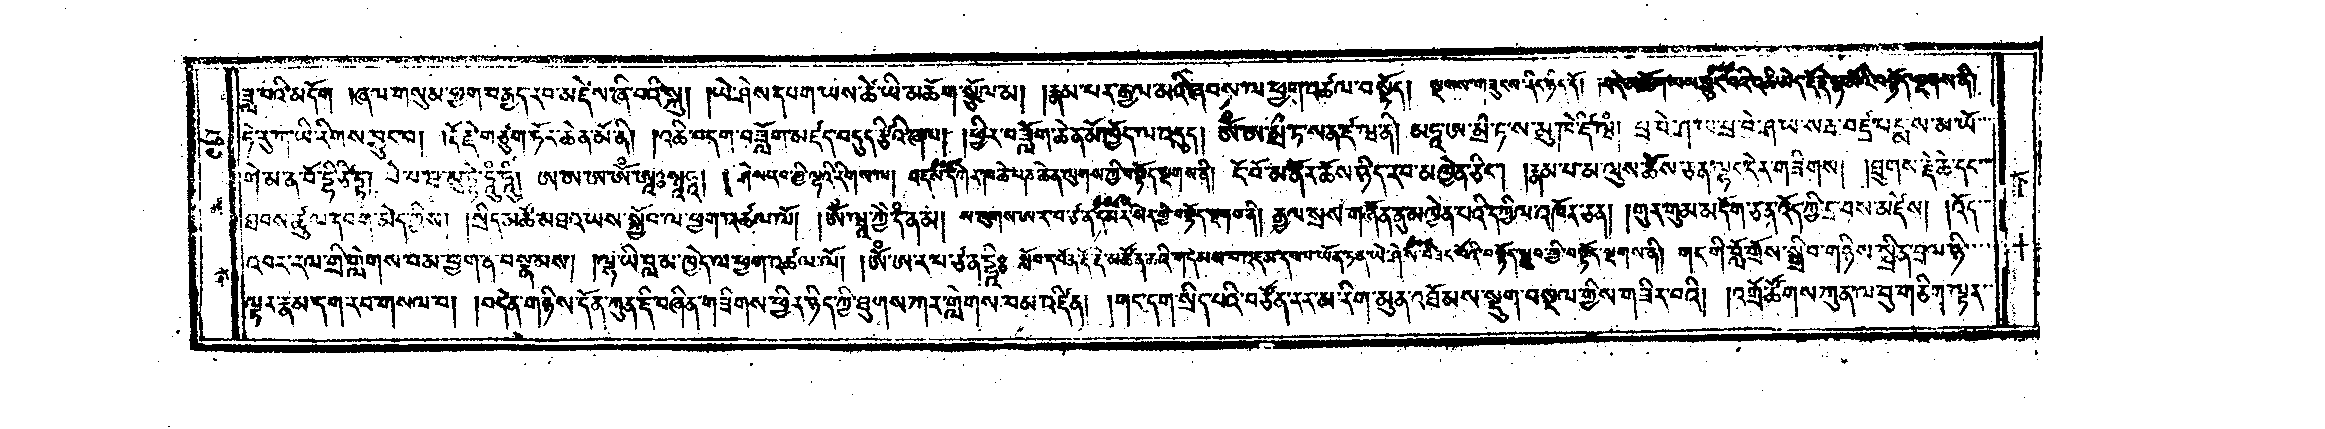ཟླ་བའི་མདོག །ཞལ་གསུམ་ཕྱག་བརྒྱད་རབ་མཛེས་ཞི་བའི་སྐུ། །ཡེ་ཤེས་དཔག་ཡས་ཚེ་ཡི་མཆོག་སྩོལ་མ། །རྣམ་པར་རྒྱལ་མའི་ཞབས་ལ་ཕྱག་འཚལ་བསྟོད། སྔགས་གཟུངས་རིང་ཉིད་དོ། །བདེ་མཆོག་ལས་བྱུང ༡༠༡་བའི་འཆི་མེད་རྡོ་རྗེ་ལྷ་མོའི་བསྟོད་སྔགས་ནི།
ཧེ་རུ་ཀ་ཡི་རིགས་བྱུང་བ། །རྡོ་རྗེ་གཙུག་ཏོར་ཆེན་མོ་ནི། །འཆི་བདག་བཟློག་མཛད་བདུད་རྩིའི་ཞལ། །ཕྱིར་བཟློག་ཆེན་མོ་ཁྱོད་ལ་འདུད། ཨོཾ་ཨ་མྲྀ་ཏ་སན་ཛ་ཝ་ནི། མཧཱ་ཨ་མྲྀ་ཏ་ས་མུ་ཁེ་ཛི་ཝཾ། པྲ་བེ་ཤ་ཡ་པྲ་བེ་ཤ་ཡ་སརྦ་བཛྲ་པདམ་ས་མ་ཡོ་
གེ་མ་ན་བོ་དྷི་ཙིཏྟ། པེ་བ་ཐ་མུ་ཏྟེ་ཧཱུཾ་ཧཱུཾ། ཨ་ཨ་ཨ་ཨོཾ་ཨཱཿསྭཱཧཱ། ༈ ཤེས་རབ་ཀྱི་ལྷའི་རིགས་ལ། འཇམ ༡༠༢་དཀར་ཁ་ཆེ་པཎ་ཆེན་ལུགས་ཀྱི་བསྟོད་སྔགས་ནི། ངོ་བོ་མ་ནོར་ཆོས་ཉིད་རབ་མཁྱེན་ཅིང་། །རྣམ་པ་མ་ལུས་ཆོས་ཅན་ལྷང་ངེ་ར་གཟིགས། །ཐུགས་རྗེ་ཆེ་དང་
ཐབས་ཚུལ་དཔག་མེད་ཀྱིས། །སྲིད་མཚོ་མཐའ་ཡས་སྐྱོབ་ལ་ཕྱག་འཚལ་ལོ། །ཨོཾ་ཝཱ་ཀྱཻ་དཾ་ན་མ། ས་ལུགས་ཨ་ར་པ་ཙ་ན་དམར ༡༠༣་སེར་གྱི་བསྟོད་སྔགས་ནི། རྒྱལ་སྲས་གཞོན་ནུ་མཁྱེན་པའི་དཀྱིལ་འཁོར་ཅན། །གུར་གུམ་མདོག་ཅན་འོད་ཀྱི་དྲ་བས་མཛེས། །འོད་
འབར་རལ་གྲི་གླེགས་བམ་ཕྱག་ན་བསྣམས། །ལྷ་ཡི་བླ་མ་ཁྱེད་ལ་ཕྱག་འཚལ་ལོ། །ཨོཾ་ཨ་ར་པ་ཙ་ན་དྷཱིཿ སློབ་དཔོན་རྡོ་རྗེ་མཚོན་ཆའི་གདམས་པ་འཇམ་དཔལ་ཡོན་ཏན་ཡེ་ཤེས ༡༠༤་བཟང་པོའི་བསྟོད་སྒྲུབ་ཀྱི་བསྟོད་སྔགས་ནི། གང་གི་བློ་གྲོས་སྒྲིབ་གཉིས་སྤྲིན་བྲལ་ཉི་
ལྟར་རྣམ་དག་རབ་གསལ་བ། །བདེན་གཉིས་དོན་ཀུན་ཇི་བཞིན་གཟིགས་ཕྱིར་ཉིད་ཀྱི་ཐུགས་ཀར་གླེགས་བམ་འཛིན། །གང་དག་སྲིད་པའི་བཙོན་རར་མ་རིག་མུན་འཐོམས་སྡུག་བསྔལ་གྱིས་གཟིར་བའི། །འགྲོ་ཚོགས་ཀུན་ལ་བུ་གཅིག་ལྟར་